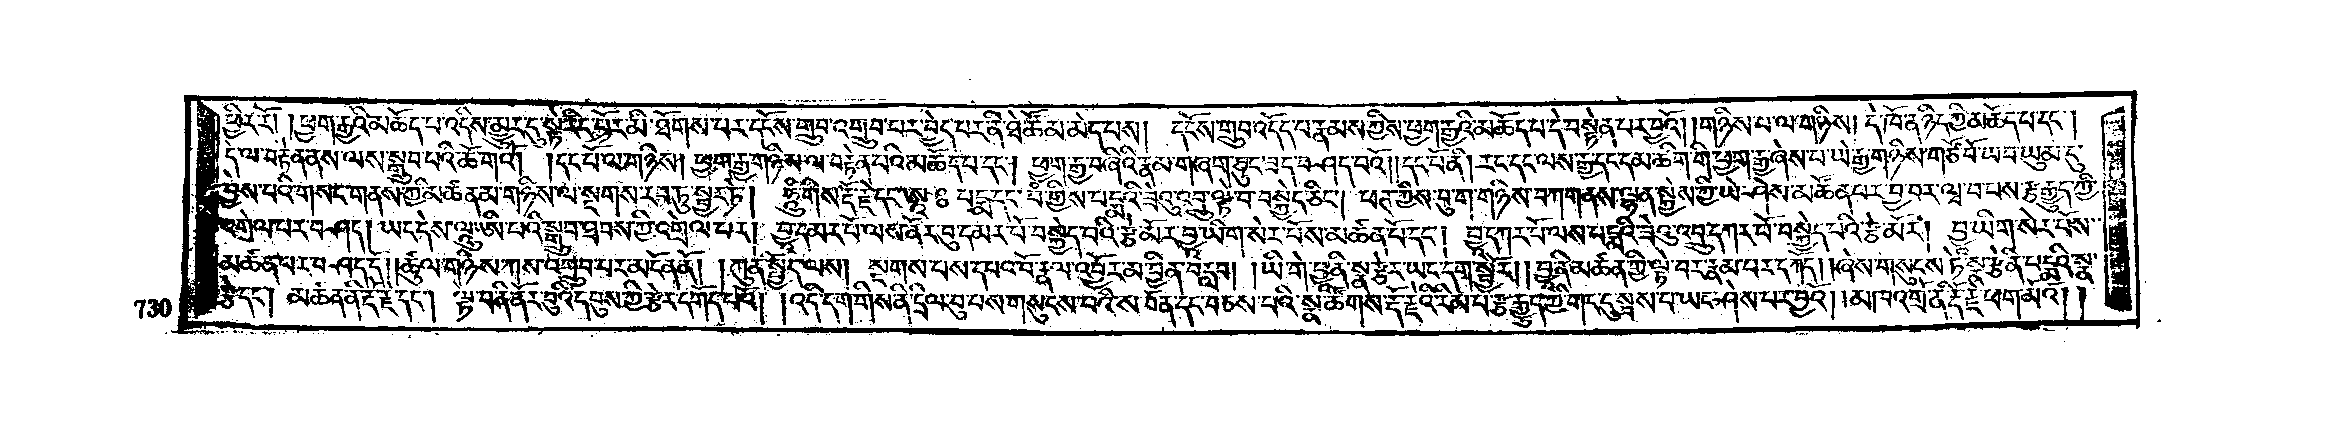ཕྱིར་རོ། ཕྱག་རྒྱའི་མཆོད་པ་འདིས་མྱུར་དུ་སྟེ་རིང་པོར་མི་ཐོགས་པར་དངོས་གྲུབ་འགྲུབ་པར་བྱེད་པར་ནི་ཐེ་ཚོམ་མེད་པས། དངོས་གྲུབ་འདོད་པ་རྣམས་ཀྱིས་ཕྱག་རྒྱའི་མཆོད་པ་དེ་བསྟེན་པར་བྱའོ། །གཉིས་པ་ལ་གཉིས། དེ་ཁོ་ན་ཉིད་ཀྱི་མཆོད་པ་དང་།
དེ་ལ་བརྟེན་ནས་ལས་སྒྲུབ་པའི་ཆོ་གའོ། །དང་པོ་ལ་གཉིས། ཕྱག་རྒྱ་གཉིས་ལ་བརྟེན་པའི་མཆོད་པ་དང་། ཕྱག་རྒྱ་བཞིའི་རྣམ་གཞག་ཅུང་ཟད་བཤད་པའོ། །དང་པོ་ནི། རང་དང་ལས་རྒྱ་དང་དམ་ཚིག་གི་ཕྱག་རྒྱ་ཞེས་པ་ཡེ་རྒྱ་གཉིས་གཙོ་བོ་ཡབ་ཡུམ་དུ་
བྱས་པའི་གསང་གནས་ཀྱི་མཚན་མ་གཉིས་ལ་སྔགས་རབ་ཏུ་སྦྱར་ཏེ། ཧཱུཾ་གིས་རྡོ་རྗེ་དང་ཨཱཿ པདམ་དང་བཾ་གྱིས་པདམའི་ཟེའུ་འབྲུ་ལྟེ་བ་བསྐྱེད་ཅིང་། ཕཊ་ཀྱིས་བུ་ག་གཉིས་བཀག་ནས་ལྷན་སྐྱེས་ཀྱི་ཡེ་ཤེས་མཚོན་པར་བྱ་བར་ལྭ་བ་པས་རྩ་རྒྱུད་ཀྱི་
འགྲེལ་པར་བཤད། ཡང་དེས་ལཱུ་ཨི་པའི་སྒྲུབ་ཐབས་ཀྱི་འགྲེལ་པར། བྱཱ་དམར་པོ་ལས་ནོར་བུ་དམར་པོ་བསྐྱེད་པའི་རྩེ་མོར་བྱཱ་ཡིག་སེར་པོས་མཆེན་པོ་དང་། བྱཱ་དཀར་པོ་ལས་པདམའི་ཟེའུ་འབྲུ་དཀར་པོ་བསྐྱེད་པའི་རྩེ་མོར། བྱཱ་ཡིག་སེར་པོས་
མཚན་པར་བཤད་དོ། །ཚུལ་གཉིས་ཀས་འགྲུབ་པར་མངོན་ནོ། །ཀུན་སྤྱོད་ལས། སྔགས་པས་དཔའ་བོ་རྣལ་འབྱོར་མ་བྱིན་བརླབ། །ཡི་གེ་བྱཱ་ནི་སྣ་རྩེར་ཡང་དག་སྦྱོར། །བྱཱ་ནི་མཚན་གྱི་ལྟེ་བར་རྣམ་པར་དཀོད། །ཞེས་གསུངས་ཏེ་སྣ་རྩེ་ནི་པདམའི་སྣ་
རྩེ་དང་། མཚན་ནི་རྡོ་རྗེ་དང་། ལྟེ་བ་ནི་ནོར་བུའི་དབུས་ཀྱི་རྩེར་དགོད་པའོ། །འདི་དག་གིས་ནི་དྲིལ་བུ་པས་གསུངས་པའི་ས་བོན་དང་བཅས་པའི་སྣ་ཚོགས་རྡོ་རྗེའི་རིམ་པ་རྩ་རྒྱུད་ཀྱི་གང་དུ་སྦས་པ་ཡང་ཤེས་པར་བྱའོ། །མཁའ་འགྲོ་ནི་རྡོ་རྗེ་ཕག་མོའོ། །